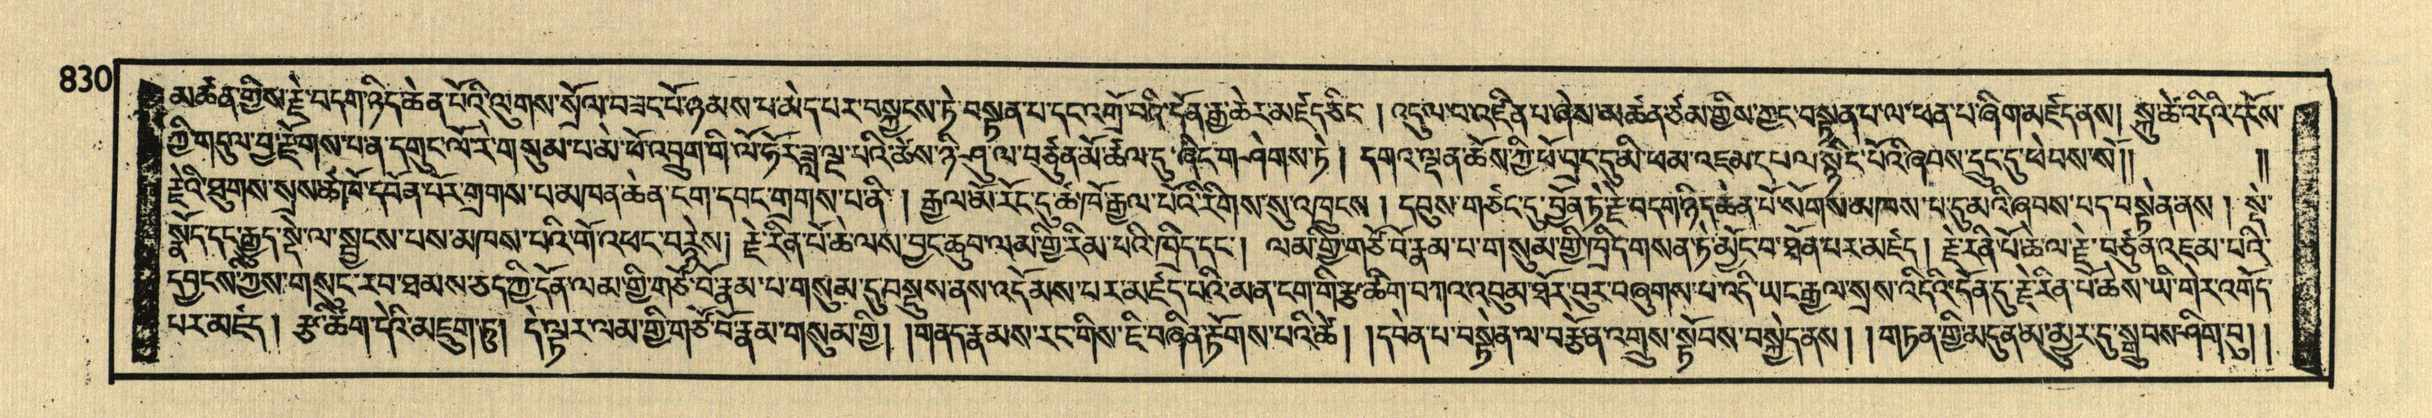མཚན་གྱིས་རྗེ་བདག་ཉིད་ཆེན་པོའི་ལུགས་སྲོལ་བཟང་པོ་ཉམས་པ་མེད་པར་བསྐྱངས་ཏེ་བསྟན་པ་དང་འགྲོ་བའི་དོན་རྒྱ་ཆེར་མཛད་ཅིང་། འདུལ་བ་འཛིན་པ་ཞེས་མཚན་ཙམ་གྱིས་ཀྱང་བསྟན་པ་ལ་ཕན་པ་ཞིག་མཛད་ནས། སྐུ་ཚེ་འདིའི་དངོས་
ཀྱི་གདུལ་བྱ་རྫོགས་པ་ན་དགུང་ལོ་རེ་གསུམ་པ་མེ་ཕོ་འབྲུག་གི་ལོ་ཧོར་ཟླ་ལྔ་པའི་ཚེས་ཉི་ཤུ་ལ་བཙུན་མོ་ཚལ་དུ་ཞིང་གཤེགས་ཏེ། དགའ་ལྡན་ཆོས་ཀྱི་ཕོ་བྲང་དུ་མི་ཕམ་འཇམ་དཔལ་སྙིང་པོའི་ཞབས་དྲུང་དུ་ཕེབས་སོ།། །།
རྗེའི་ཐུགས་སྲས་ཚ་ཁོ་དབོན་པོར་གྲགས་པ་མཁན་ཆེན་ངག་དབང་གྲགས་པ་ནི། རྒྱལ་མོ་རོང་དུ་ཚ་ཁོ་རྒྱལ་པོའི་རིགས་སུ་འཁྲུངས། དབུས་གཙང་དུ་བྱོན་ཏེ་རྗེ་བདག་ཉིད་ཆེན་པོ་སོགས་མཁས་པ་དུ་མའི་ཞབས་པད་བསྟེན་ནས། སྡེ་
སྣོད་དང་རྒྱུད་སྡེ་ལ་སྦྱངས་པས་མཁས་པའི་གོ་འཕང་བརྙེས། རྗེ་རིན་པོ་ཆེ་ལས་བྱང་ཆུབ་ལམ་གྱི་རིམ་པའི་ཁྲིད་དང་། ལམ་གྱི་གཙོ་བོ་རྣམ་པ་གསུམ་གྱི་ཁྲིད་གསན་ཏེ་མྱོང་བ་ཐོན་པར་མཛད། རྗེ་རིན་པོ་ཆེ་ལ་རྗེ་བཙུན་འཇམ་པའི་
དབྱངས་ཀྱིས་གསུང་རབ་ཐམས་ཅད་ཀྱི་དོན་ལམ་གྱི་གཙོ་བོ་རྣམ་པ་གསུམ་དུ་བསྡུས་ནས་འདོམས་པར་མཛད་པའི་མན་ངག་གི་རྩ་ཚིག་བཀའ་འབུམ་ཐོར་བུར་བཞུགས་པ་འདི་ཡང་རྒྱལ་སྲས་འདིའི་དོན་དུ་རྗེ་རིན་པོ་ཆེས་ཡི་གེར་འགོད་
པར་མཛད། རྩ་ཚིག་དེའི་མཇུག་ཏུ། དེ་ལྟར་ལམ་གྱི་གཙོ་བོ་རྣམ་གསུམ་གྱི། །གནད་རྣམས་རང་གིས་ཇི་བཞིན་རྟོགས་པའི་ཚེ། །དབེན་པ་བསྟེན་ལ་བརྩོན་འགྲུས་སྟོབས་བསྐྱེད་ནས། །གཏན་གྱི་མདུན་མ་མྱུར་དུ་སྒྲུབས་ཤིག་བུ། །